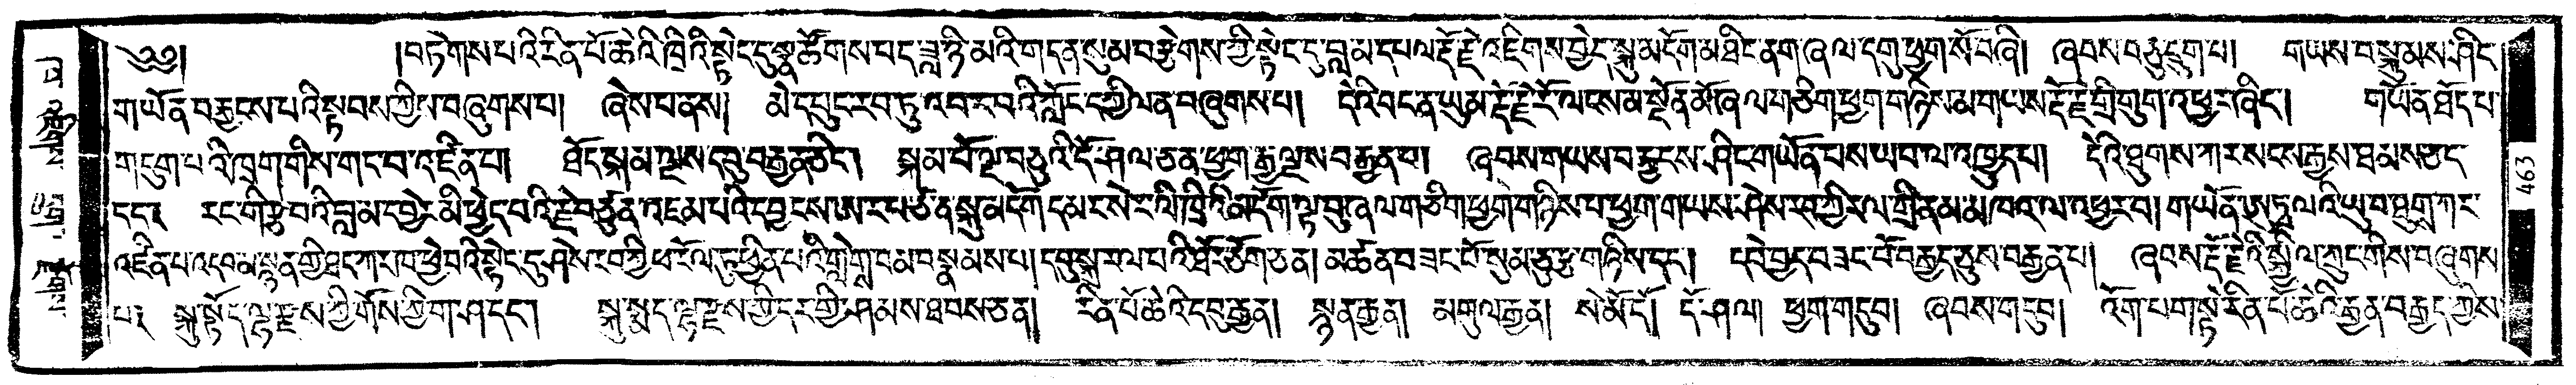༄༅། །བཏེགས་པའི་རིན་པོ་ཆེའི་ཁྲིའི་སྟེང་དུ་སྣ་ཚོགས་པད་ཟླ་ཉི་མའི་གདན་སུམ་བརྩེགས་ཀྱི་སྟེང་དུ་བླ་མ་དཔལ་རྡོ་རྗེ་འཇིགས་བྱེད་སྐུ་མདོག་མཐིང་ནག་ཞལ་དགུ་ཕྱག་སོ་བཞི། ཞབས་བཅུ་དྲུག་པ། གཡས་བསྐུམས་ཤིང་
གཡོན་བརྐྱངས་པའི་སྟབས་ཀྱིས་བཞུགས་པ། ཞེས་པ་ནས། མེ་དཔུང་རབ་ཏུ་འབར་བའི་ཀློང་དཀྱིལ་ན་བཞུགས་པ། དེའི་བང་ན་ཡུམ་རྡོ་རྗེ་རོ་ལངས་མ་སྔོན་མོ་ཞལ་གཅིག་ཕྱག་གཉིས་མ་གཡས་རྡོ་རྗེ་གྲི་གུག་འཕྱར་ཞིང་། གཡོན་ཐོད་པ་
གདུག་པའི་ཁྲག་གིས་གང་བ་འཛིན་པ། ཐོད་སྐམ་ལྔས་དབུ་བརྒྱན་ཅིང་། སྐམ་པོ་ལྔ་བཅུའི་དོ་ཤལ་ཅན་ཕྱག་རྒྱ་ལྔས་བརྒྱན་པ། ཞབས་གཡས་བརྐྱངས་ཤིང་གཡོན་པས་ཡབ་ལ་འཁྱུད་པ། དེའི་ཐུགས་ཀར་སངས་རྒྱས་ཐམས་ཅད་
དང༑ རང་གི་རྩ་བའི་བླ་མ་དབྱེར་མི་ཕྱེད་པའི་རྗེ་བཙུན་འཇམ་པའི་དབྱངས་ཨ་ར་པ་ཙ་ན་སྐུ་མདོག་དམར་སེར་ལི་ཁྲིའི་མདོག་ལྟ་བུ་ཞལ་གཅིག་ཕྱག་གཉིས་པ་ཕྱག་གཡས་ཤེས་རབ་ཀྱི་རལ་གྲི་ནམ་མཁའ་ལ་འཕྱར་བ། གཡོན་ཨུཏྤ་ལའི་ཡུ་བ་ཐུགས་ཀར་
འཛིན་པ་འདབ་མ་སྙན་གྱི་ཐད་ཀར་ཁ་ཕྱེ་བའི་སྟེང་དུ་ཤེས་རབ་ཀྱི་ཕ་རོལ་ཏུ་ཕྱིན་པའི་གླེགས་བམ་བསྣམས་པ། དབུ་སྐྲ་རལ་པའི་ཐོར་ཅོག་ཅན། མཚན་བཟང་པོ་སུམ་ཅུ་རྩ་གཉིས་དང་། དཔེ་བྱད་བཟང་པོ་བརྒྱད་ཅུས་བརྒྱན་པ། ཞབས་རྡོ་རྗེའི་སྐྱིལ་ཀྲུང་གིས་བཞུགས་
པ༑ སྐུ་སྟོད་ལྷ་རྫས་ཀྱི་གོས་ཀྱི་ག་ཤ་དང་། སྐུ་སྨད་ལྷ་རྫས་ཀྱི་དར་གྱི་ཤམས་ཐབས་ཅན། རིན་པོ་ཆེའི་དབུ་རྒྱན། སྙན་རྒྱན། མགུལ་རྒྱན། སེ་མོ་དོ། དོ་ཤལ། ཕྱག་གདུབ། ཞབས་གདུབ། འོག་པག་སྟེ་རིན་པོ་ཆེའི་རྒྱན་བརྒྱད་ཀྱིས་